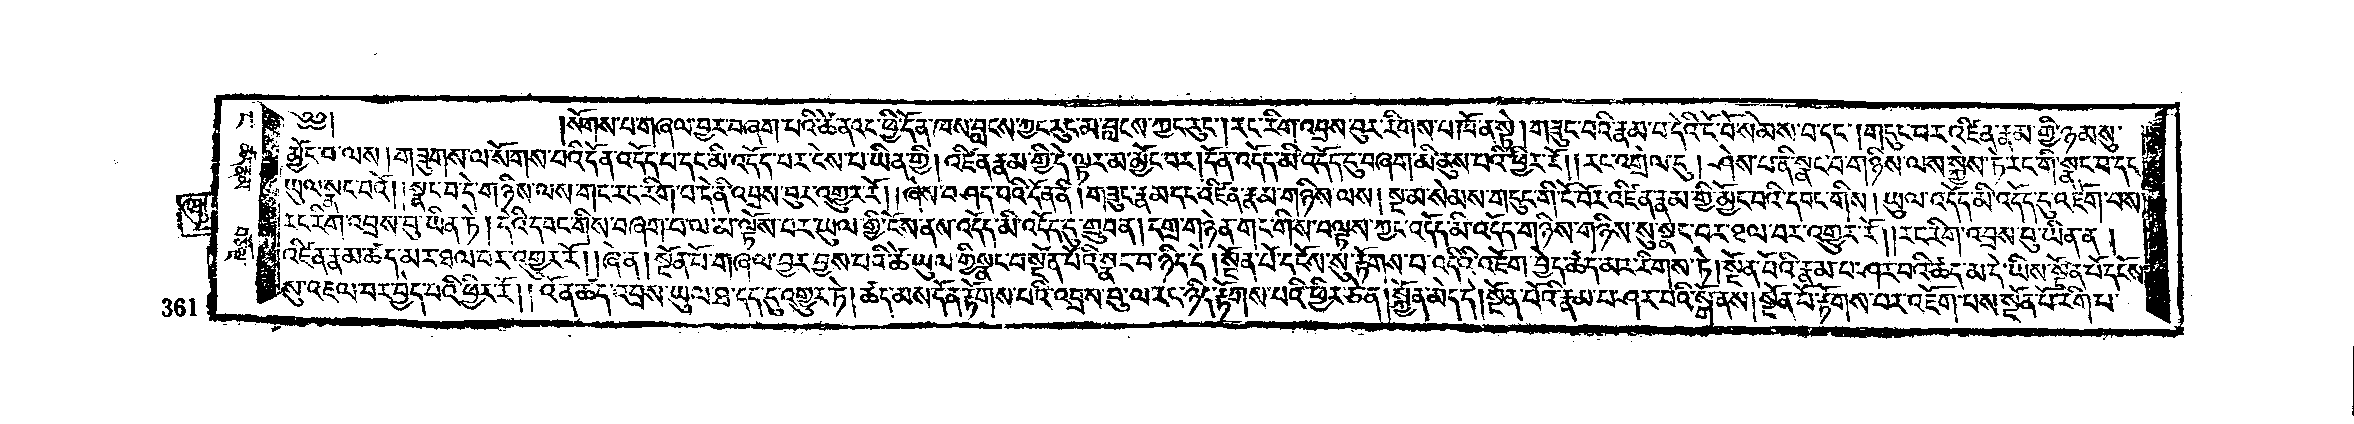༄༅། །སོགས་པ་གཞལ་བྱར་བཞག་པའི་ཚེ་ནའང་ཕྱི་དོན་ཁས་བླངས་ཀྱང་རུང་མ་བླངས་ཀྱང་རུང་། རང་རིག་འབྲས་བུར་རིགས་པ་ཁོ་ན་སྟེ། གཟུང་བའི་རྣམ་པ་དེའི་ངོ་བོ་སེམས་བ་དང་། གདུང་བར་འཛིན་རྣམ་གྱི་ཉམས་སུ་
མྱོང་བ་ལས། གཟུགས་ལ་སོགས་པའི་དོན་འདོད་པ་དང་མི་འདོད་པར་ངེས་པ་ཡིན་གྱི། འཛིན་རྣམ་གྱི་དེ་ལྟར་མ་མྱོང་བར། དོན་འདོད་མི་འདོད་དུ་བཞག་མི་ནུས་པའི་ཕྱིར་རོ། །རང་འགྲེལ་དུ། ཤེས་པ་ནི་སྣང་བ་གཉིས་ལས་སྐྱེས་ཏེ་རང་གི་སྣང་བ་དང་
ཡུལ་སྣང་བའོ། །སྣང་བ་དེ་གཉིས་ལས་གང་རང་རིག་པ་དེ་ནི་འབྲས་བུར་འགྱུར་རོ། །ཞེས་བཤད་པའི་དོན་ནི། གཟུང་རྣམ་དང་འཛིན་རྣམ་གཉིས་ལས། སྔ་མ་སེམས་གདུང་གི་ངོ་བོར་འཛིན་རྣམ་གྱི་མྱོང་བའི་དབང་གིས། ཡུལ་འདོད་མི་འདོད་དུ་འཇོག་པས་
རང་རིག་འབྲས་བུ་ཡིན་ཏེ། དེའི་དབང་གིས་བཞག་པ་ལ་མ་ལྟོས་པར་ཡུལ་གྱི་ངོས་ནས་འདོད་མི་འདོད་དུ་གྲུབ་ན། དགྲ་གཉེན་གང་གིས་བལྟས་ཀྱང་འདོད་མི་འདོད་གཉིས་སུ་སྣང་བར་ཐལ་བར་འགྱུར་རོ། །རང་རིག་འབྲས་བུ་ཡིན་ན།
འཛིན་རྣམ་ཚད་མར་ཐལ་བར་འགྱུར་རོ། །ཞེ་ན། སྔོན་པོ་གཞལ་བྱར་བྱས་པའི་ཚེ་ཡུལ་གྱི་སྣང་བ་སྔོན་པོའི་སྣང་བ་ཉིད་དེ། སྔོན་པོ་དངོས་སུ་རྟོགས་པ་འདིའི་འཇོག་བྱེད་ཚད་མར་རིགས་ཏེ། སྔོན་པོའི་རྣམ་པ་ཤར་བའི་ཚད་མ་དེ་ཡིས་སྔོན་པོ་དངོས་
སུ་འཇལ་བར་བྱེད་པའི་ཕྱིར་རོ། །འོ་ན་ཚད་འབྲས་ཡུལ་ཐ་དད་དུ་འགྱུར་ཏེ། ཚད་མས་དོན་རྟོགས་པའི་འབྲས་བུ་ལ་རང་ཉིད་རྟོགས་པའི་ཕྱིར་ཅེ་ན། སྐྱོན་མེད་དེ། སྔོན་པོའི་རྣམ་པ་ཤར་བའི་སྒོ་ནས། སྔོན་པོ་རྟོགས་པར་འཇོག་པས་སྔོན་པོ་རིག་པ་